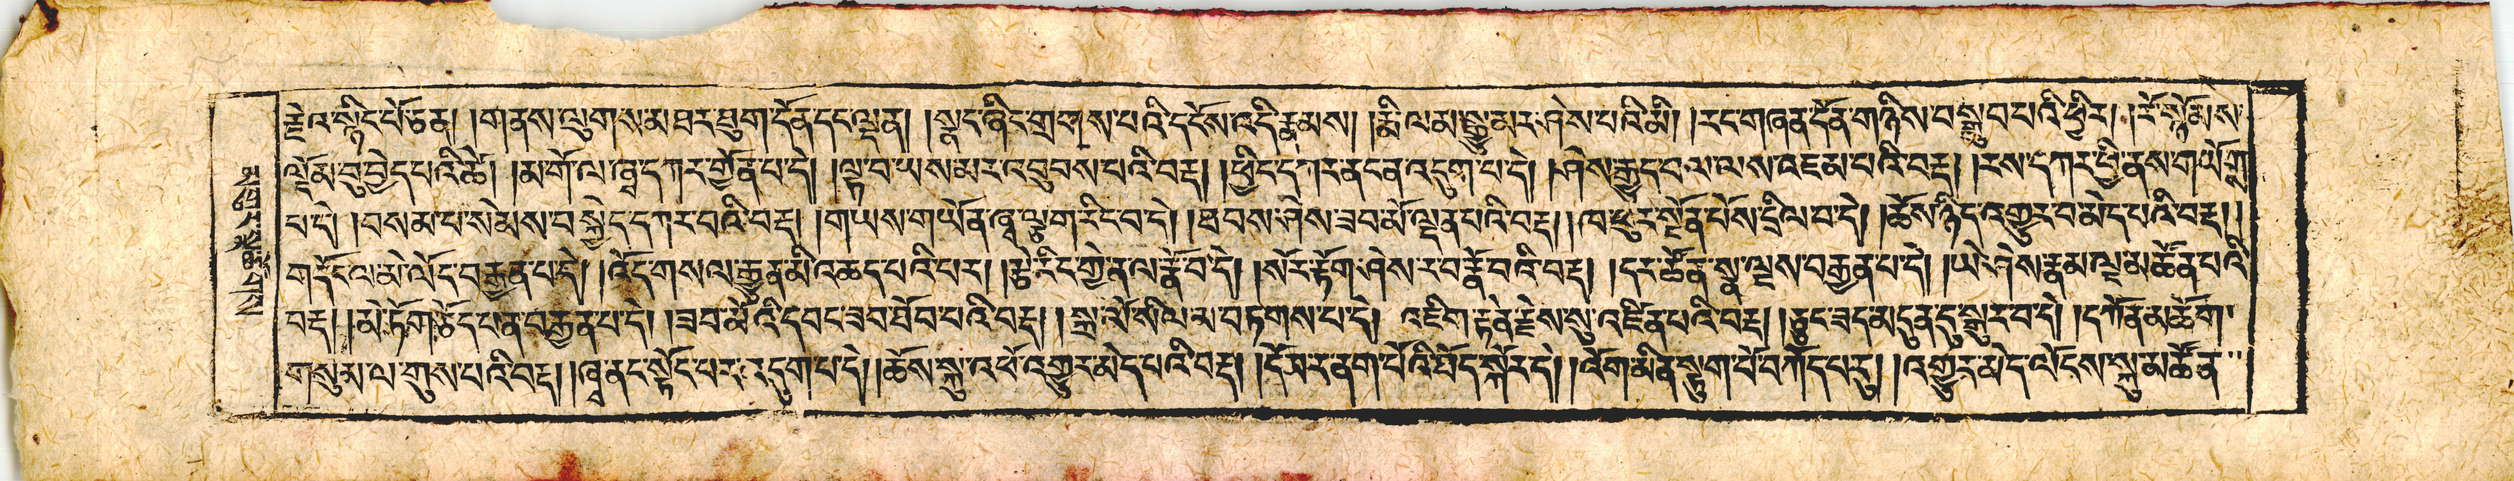རྗེའི་སྙིང་པོ་ཅན། །གནས་ལུགས་མཐར་ཐུག་དོན་དང་ལྡན། །སྣང་ཞིང་གྲགས་པའི་དངོས་འདི་རྣམས། །རྨི་ལམ་སྒྱུ་མར་ཤེས་པའི་མི། །རང་གཞན་དོན་གཉིས་བསྒྲུབ་པའི་ཕྱིར། །རོ་སྙོམས་
ལྡོམ་བུ་བྱེད་པའི་ཚེ། །མགོ་ལ་ཞྭ་དཀར་གྱོན་པ་དེ། །ལྟ་བ་ཡས་མར་འབུབས་པའི་བརྡ། །ཕྱིང་དཀར་ནང་ན་འདུག་པ་དེ། །ཤེས་རྒྱུད་བལ་ལས་འཇམ་པའི་བརྡ། །རས་དཀར་ཕྱི་ནས་གཡོགས་
པ་དེ། །བསམ་པ་སེམས་བསྐྱེད་དཀར་བའི་བརྡ། །གཡས་གཡོན་ཞྭ་ལྕག་རིང་བ་དེ། །ཐབས་ཤེས་ཟབ་མོ་ལྡན་པའི་བརྡ། །ཁ་ཕུར་སྔོན་པོས་དྲིལ་བ་དེ། །ཆོས་ཉིད་འགྱུར་བ་མེད་པའི་བརྡ། །
གདོང་ལ་མེ་ལོང་བརྒྱན་པ་དེ། །འོད་གསལ་རྒྱུན་མི་འཆད་པའི་བརྡ། །རྩེ་རིང་གྱེན་ལ་རྣོ་བ་དེ། །སོར་རྟོག་ཤེས་རབ་རྣོ་བའི་བརྡ། །དར་ཚོན་སྣ་ལྔས་བརྒྱན་པ་དེ། །ཡེ་ཤེས་རྣམ་ལྔ་མཚོན་པའི་
བརྡ། །མེ་ཏོག་ཅོད་པན་བརྒྱན་པ་དེ། །ཟབ་མོའི་དབང་ཟབ་ཐོབ་པའི་བརྡ། །སྐྲ་ལོ་སིལ་མ་བཏགས་པ་དེ། །འཇིག་རྟེན་རྗེས་སུ་འཛིན་པའི་བརྡ། །ཅུང་ཟད་མདུན་དུ་སྒུར་བ་དེ། །དཀོན་མཆོག་
གསུམ་ལ་གུས་པའི་བརྡ། །ཞྭ་ནང་སྟོང་པར་འདུག་པ་དེ།།ཆོས་སྐུ་འཕོ་འགྱུར་མེད་པའི་བརྡ། །དོམ་ར་ནག་པོའི་བོད་སྐོར་དེ། །འོག་མིན་སྟུག་པོ་བཀོདཔརུ། །འགྱུར་མེད་ལོངས་སྐུ་མཚོན་